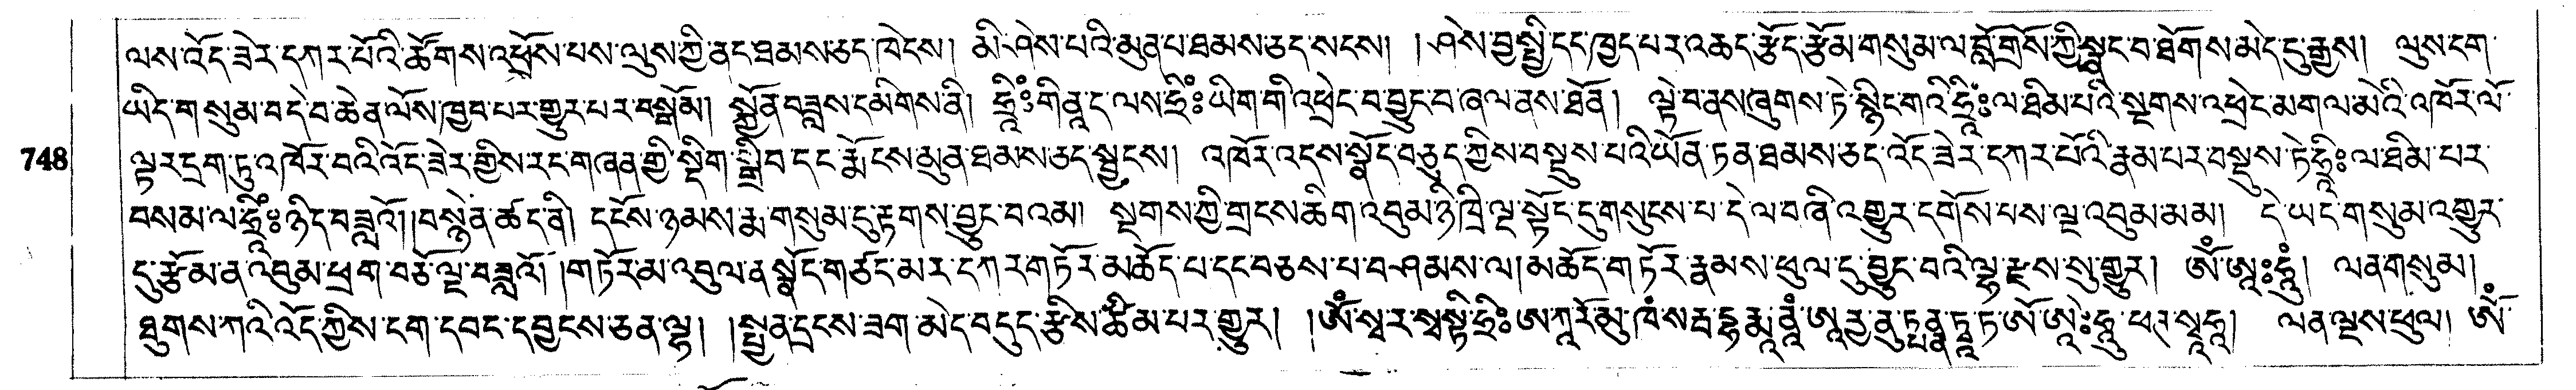ལས་འོད་ཟེར་དཀར་པོའི་ཚོགས་འཕྲོས་པས་ལུས་ཀྱི་ནང་ཐམས་ཅད་ཁེངས། མི་ཤེས་པའི་མུན་པ་ཐམས་ཅད་སངས། །ཤེས་བྱ་སྤྱི་དང་ཁྱད་པར་འཆད་རྩོད་རྩོམ་གསུམ་ལ་བློ་གྲོས་ཀྱི་སྣང་བ་ཐོགས་མེད་དུ་རྒྱས། ལུས་ངག་
ཡིད་གསུམ་བདེ་བ་ཆེན་ལོས་ཁྱབ་པར་གྱུར་པར་བསྒོམ། སྐྱོན་བཟླས་དམིགས་ནི། ཧྲཱིཿ གིནཱ་ད་ལས་ཧྲིཾཿ ཡིག་གི་འཕྲེང་བ་བྱུང་བ་ཞལ་ནས་ཐོན། ལྟེ་བ་ནས་ཞུགས་ཏེ་སྙིང་གའི་ཧྲཱིཾཿ ལ་ཐིམ་པའི་སྔགས་འཕྲེང་མགལ་མེའི་འཁོར་ལོ་
ལྟར་དྲག་ཏུ་འཁོར་བའི་འོད་ཟེར་གྱིས་རང་གཞན་གྱི་སྡིག་སྒྲིབ་དང་རྨོངས་མུན་ཐམས་ཅད་སྦྱངས། འཁོར་འདས་སྣོད་བཅུད་ཀྱིས་བསྡུས་པའི་ཡོན་ཏན་ཐམས་ཅད་འོད་ཟེར་དཀར་པོའི་རྣམ་པར་བསྡུས་ཏེ་ཧྲཱིཿ ལ་ཐིམ་པར་
བསམ་ལ་ཧྲཱིཾཿ ཉིད་བཟླའོ། །བསྙེན་ཚད་ནི། དངོས་ཉམས་རྨ་གསུམ་དུ་རྟགས་བྱུང་བའམ། སྔགས་ཀྱི་གྲངས་ཚིག་འབུམ་ཉི་ཁྲི་ལྔ་སྟོང་དུ་གསུངས་པ་དེ་ལ་བཞི་འགྱུར་དགོས་པས་ལྔ་འབུམ་མམ། དེ་ཡང་གསུམ་འགྱུར་
དུ་རྩོམ་ན་འབུམ་ཕྲག་བཅོ་ལྔ་བཟླའོ། །གཏོར་མ་འབུལ་ན་སྣོད་གཙང་མར་དཀར་གཏོར་མཆོད་པ་དང་བཅས་པ་བཤམས་ལ། མཆོད་གཏོར་རྣམས་ཕུལ་དུ་བྱུང་བའི་ལྷ་རྫས་སུ་གྱུར། ཨོཾ་ཨཱཿ ཧཱུཾ། ལན་གསུམ།
ཐུགས་ཀའི་འོད་ཀྱིས་ངག་དབང་དབྱངས་ཅན་ལྷ། །སྤྱན་དྲངས་ཟག་མེད་བདུད་རྩིས་ཚིམ་པར་གྱུར། །ཨོཾ་སྭ་ར་སྭ་སྟི་ཧྲིཿ ཨ་ཀཱ་རོ་མུ་ཁཾ་སརྦ་དྷརྨཱ་ནཱཾ་ཨཱརྱ་ནུ་ཏྤནྣ་ཏྭཱ་ཏ་ཨོ་EH ཧཱུཾ་ཕཊ་སྭཱཧཱ། ལན་ལྔས་ཕུལ། ཨོཾ་